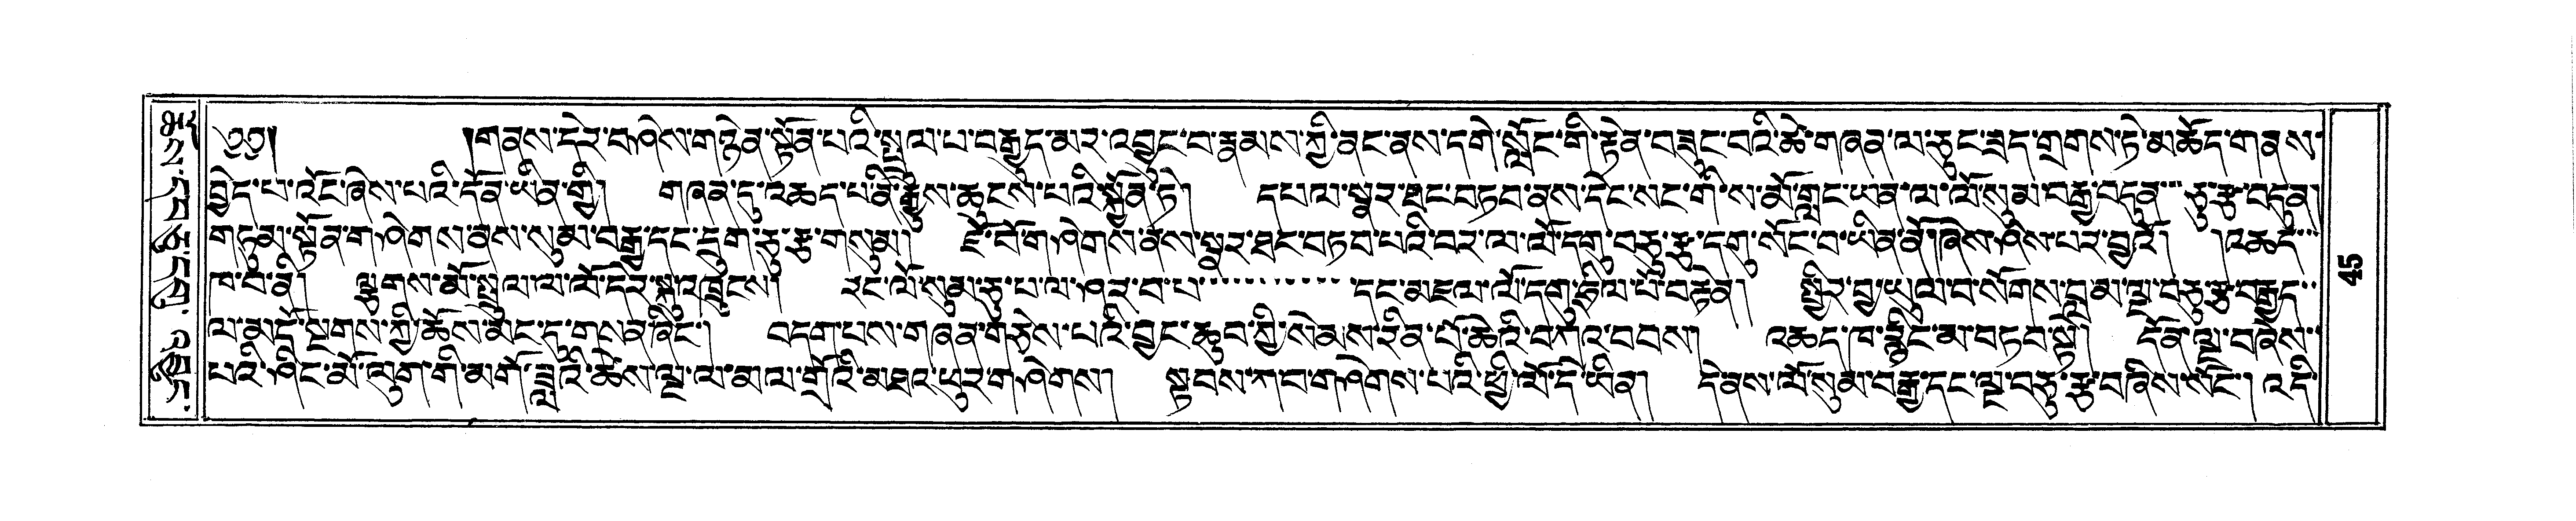༄༅། །གནས་དེར་བཤེས་གཉེན་སྟོན་པའི་སྤྲུལ་པ་བརྒྱུད་མར་འབྱུང་བ་རྣམས་ཀྱི་ནང་ནས་དགེ་སློང་གི་རྟེན་བཟུང་བའི་ཚེ་གཞན་ལ་ཅུང་ཟད་གྲགས་ཏེ་མཆོད་གནས་
བྱེད་པ་འོང་ཞེས་པའི་དོན་ཡིན་གྱི། གཞན་དུ་འཆད་པ་ནི་རྒྱུས་ཆུངས་པའི་སྐྱོན་ཏེ། དཔལ་སྣར་ཐང་བཏབ་ནས་དེང་སང་གི་ས་མོ་གླང་ཡན་ལ་ལོ་སུམ་བརྒྱ་བདུན་ཅུ་རྩ་བདུན།
གཏུམ་སྟོན་གཤེགས་ནས་སུམ་བརྒྱ་དང་དྲུག་ཅུ་རྩ་གསུམ། ཇོ་བོ་གཤེགས་ནས་སྣར་ཐང་བཏབ་པའི་བར་ལ་ལོ་དགུ་བཅུ་རྩ་དགུ་སོང་བ་ཡིན་ནོ། ཞེས་ཤེས་པར་བྱའོ། །འཆད་
ཁ་བ་ནི། ལྕགས་མོ་སྤྲུལ་ལ་ལོ་དེར་སྐུ་འཁྲུངས། རང་ལོ་སུམ་ཅུ་པ་ལ་ཤར་བ་པ་དང་མཇལ་ལོ་དགུ་ཧྲིལ་པོ་བརྟེན། སྤྱིར་བྱ་ཡུལ་བ་སོགས་བླ་མ་ལྔ་བཅུ་རྩ་བརྒྱད་
ལ་མདོ་སྔགས་ཀྱི་ཆོས་མང་དུ་གསན་ཞིང་། བདག་པས་གཞན་གཅེས་པའི་བྱང་ཆུབ་ཀྱི་སེམས་རིན་པོ་ཆེའི་བཀའ་བབས། འཆད་ཁ་རྙིང་མ་བཏབ་སྟེ། དོན་ལྔ་བཞེས་
པའི་ཤིང་མོ་ལུག་གི་མགོ་ཟླའི་ཚེས་ལྔ་ལ་མལ་གྲོའི་མཐའ་ཕུར་གཤེགས། སྟབས་ཀ་བ་གཤེགས་པའི་ཕྱི་ལོ་དེ་ཡིན། དེ་ནས་ལོ་སུམ་བརྒྱ་དང་ལྔ་བཅུ་རྩ་བཞིས་སོང་། འདི་